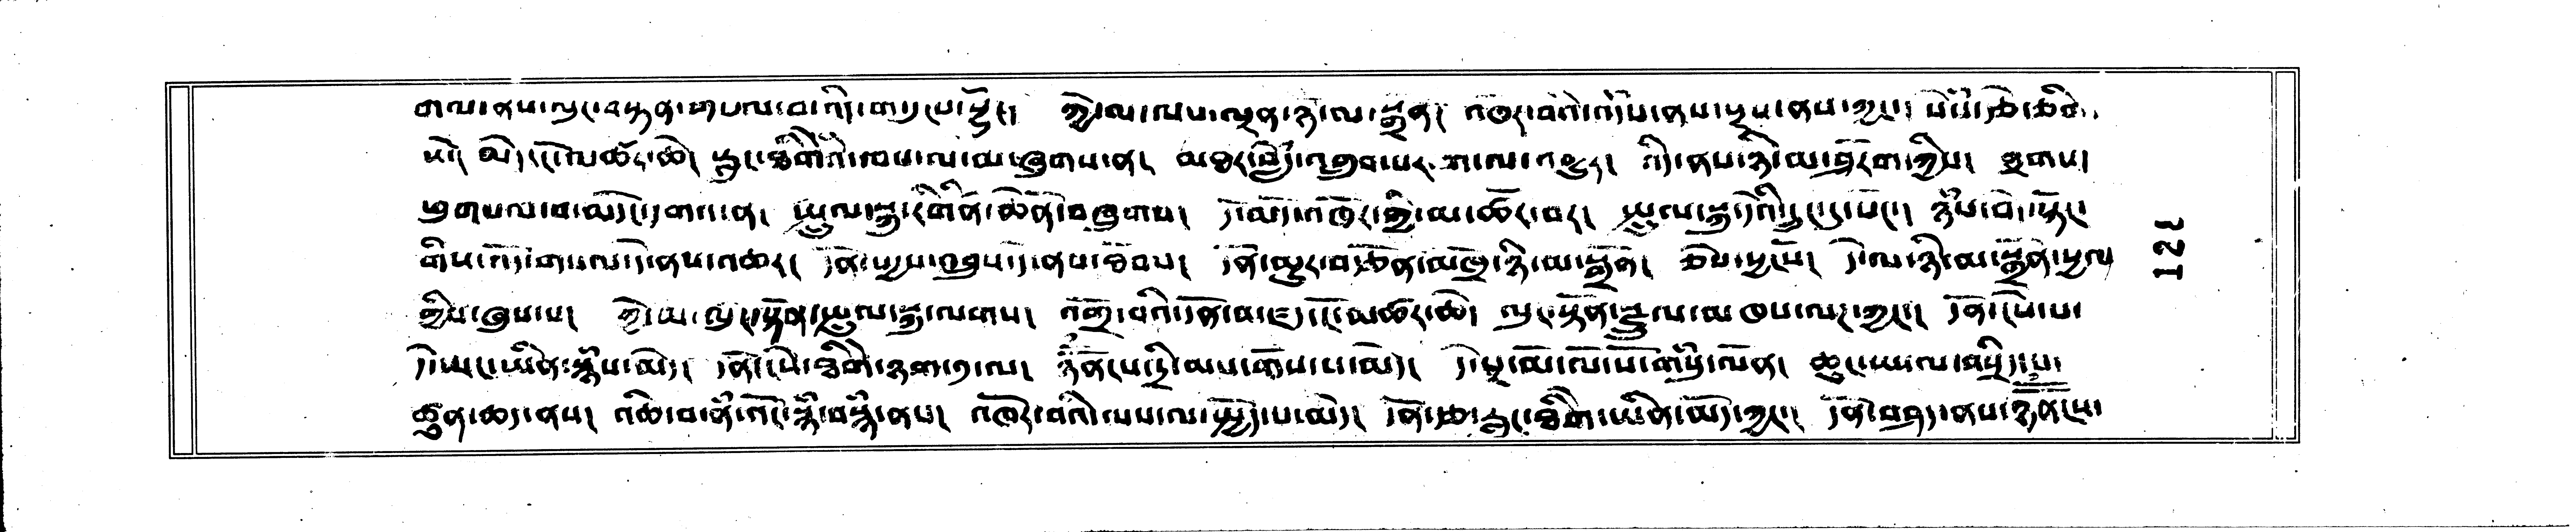ཞལ་ནས་ལུང་བསྟན་གསལ་བ་འདི་གསུངས་སོ། །ཀྱེ་མ་ལས་ལྡན་ཉི་མ་སྒྲོན། འཁོར་བའི་འདམ་ནས་སྔས་ནས་ཀྱང་། སེམས་རྩེ་གཅིག་
ཡེངས་མེད་ངོ་མཚར་ཆེ། རླུང་ཐིག་ལེའི་ལས་ལ་མ་ཞུགས་ན། མཐར་བླ་མེད་འགྲུབ་པར་ག་ལ་འགྱུར། འདི་ནས་ཉི་མ་ཤར་ཕྱོགས་ཀྱི། བྲག་
ཕུག་གསལ་བ་མདོང་དགའ་ན། སྤྲུལ་སྐུ་རིག་འཛིན་ཆེན་པོ་བཞུགས། དོ་མོད་འཁོར་གྱིས་མ་ཚོར་བར། སྤྲུལ་སྐུ་དེའི་དྲུང་དུ་སོང་། ཉམས་བདེ་སྟོང་
གི་འོད་གསལ་དེ་ནས་འཆར། དོན་སངས་རྒྱས་འབྲས་བུ་དེ་ནས་ཐོབ། དོན་མྱུར་བརྩོན་མཁའ་འགྲོ་ཉི་མ་སྒྲོན། ཅེས་གསུངས་སོ། །དེ་ལ་ཉི་མ་སྒྲོན་གསལ་
གྱིས་ཞུས་པ། ཀྱེ་མ་ལུང་སྟོན་སྤྲུལ་སྐུ་ལགས། འགྲོ་བའི་དོན་མཛད་ངོ་མཚར་ཆེ། ལུང་སྟོན་རྫུ་འཕྲུལ་མཁས་ལགས་ཀྱང་། དོན་ངེས་པ་
དེ་ཡང་ཡིན་སྙམ་མེད། དོན་ངེས་ཐིག་ལེ་ཉག་གཅིག་ལ། ཉོན་མོངས་དྲི་མས་གོས་པ་མེད། དེ་སྔ་མོ་ལོ་སོ་གསུམ་ལོན། ཆུང་ཡ་ལ་བསྲིད་པ་
ཚུན་ཆད་ནས། འཆི་བ་ནམ་འོང་སྙམ་སྙམ་ནས། འཁོར་བའི་ལས་ལ་སྤྱོད་པ་མེད། དོན་རྩ་རླུང་ཐིག་ལེ་ཡིན་མོད་ཀྱང་། དོན་བཤད་ནས་ཉོན་མོངས་